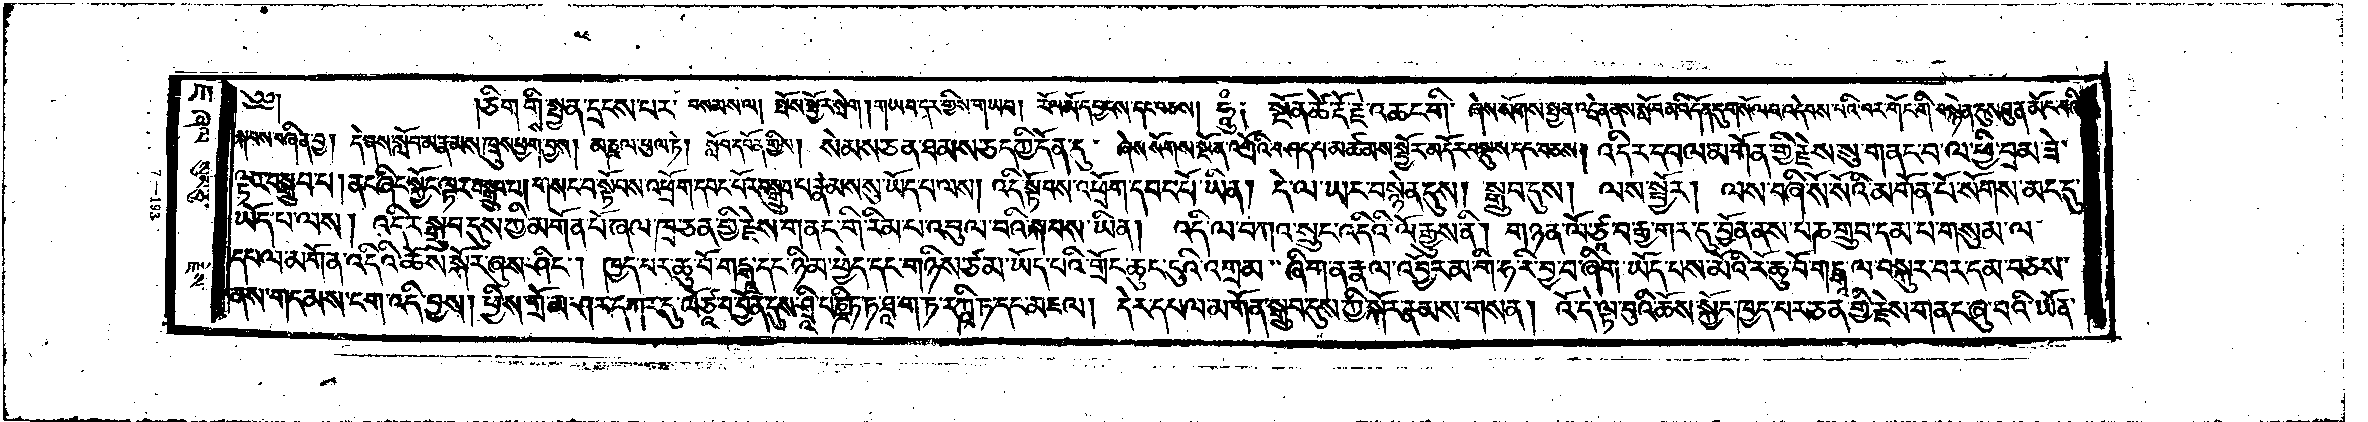༄༅། །ཅིག་གིས་སྤྱན་དྲངས་པར་བསམས་ལ༑ སྤོས་སྦྱོར་སྲེག །གཡང་དར་གྱིས་གཡབ། རོལ་མོ་དབྱངས་དང་བཅས།  ཧཱུཾ༑ སྔོན་ཚེ་རྡོ་རྗེ་འཆང་གི་ཞེས་སོགས་སྤྱན་འདྲེན་ནས་སློབ་མའི་དོན་དུ་གསོལ་བ་འདེབས་པའི་བར་གོང་གི་བསྙེན་དུས་ཐུན་མོང་བའི་
སྐབས་བཞིན་བྱ། དེ་ནས་སློབ་མ་རྣམས་ཁྲུས་ཕྱག་བྱས། མཎྜལ་ཕུལ་ཏེ། སློབ་དབོན་གྱིས། སེམས་ཅན་ཐམས་ཅད་ཀྱི་དོན་དུ་ཞེས་སོགས་སྔོན་འགྲོའི་བཤད་པ་མཚམས་སྦྱོར་མདོར་བསྡུས་དང་བཅས།  འདིར་དཔལ་མགོན་གྱི་རྗེས་སུ་གནང་བ་ལ་ཕྱི་བྲམ་ཟེ་
ལྟར་བསྒྲུབ་པ། ནང་ཞིང་སྐྱོང་ལྟར་བསྒྲུབ་པ། གསང་བ་སྟོབས་འཕྲོག་དབང་པོར་བསྒྲུབ་པ་རྣམས་སུ་ཡོད་པ་ལས། འདི་སྟོབས་འཕྲོག་དབང་པོ་ཡིན། དེ་ལ་ཡང་བསྙེན་དུས། སྒྲུབ་དུས། ལས་སྦྱོར། ལས་བཞི་སོ་སོའི་མགོན་པོ་སོགས་མང་བུ་
ཡོད་པ་ལས། འདིར་སྒྲུབ་དུས་ཀྱི་མགོན་པོ་ཞལ་ཁྲ་ཅན་གྱི་རྗེས་གནང་གི་རིམ་པ་འབུལ་བའི་སྐབས་ཡིན། འདི་ལ་བཀའ་སྲུང་འདིའི་ལོ་རྒྱུས་ནི། གཉན་ལོ་ཙཱ་བ་རྒྱ་གར་དུ་བྱོན་ནས་པཎ་གྲུབ་དམ་པ་གསུམ་ལ་
དཔལ་མགོན་འདིའི་ཆོས་སྐོར་ཞུས་ཤིང་། ཁྱད་པར་ཆུ་བོ་གངྒཱ་དང་ཉི་མ་ཕྱེད་དང་གཉིས་ཙམ་ཡོད་པའི་གྲོང་ཆུང་ངུའི་འགྲམ་ཞིག་ན་རྣལ་འབྱོར་མ་གི་ཧ་རི་བྱ་བ་ཞིག་ཡོད་པས་མོའི་རོ་ཆུ་བོ་གངྒཱ་ལ་བསྐུར་བར་དམ་བཅས་
ནས་གདམས་ངག་འདི་བྱས། ཕྱིས་གྲོ་མ་ཤར་དཀར་དུ་ལོ་ཙཱ་བ་བྱོན་དུས་ཤྲཱི་པཎྜི་ཏ་ཏ་ཐཱ་ག་ཏ་རཀྵི་ཏ་དང་མཇལ། དེར་དཔལ་མགོན་སྒྲུབ་དུས་ཀྱི་སྐོར་རྣམས་གསན། འོ་དེ་ལྟ་བུའི་ཆོས་སྐྱོང་ཁྱད་པར་ཅན་གྱི་རྗེས་གནང་ཞུ་བའི་ཡོན་